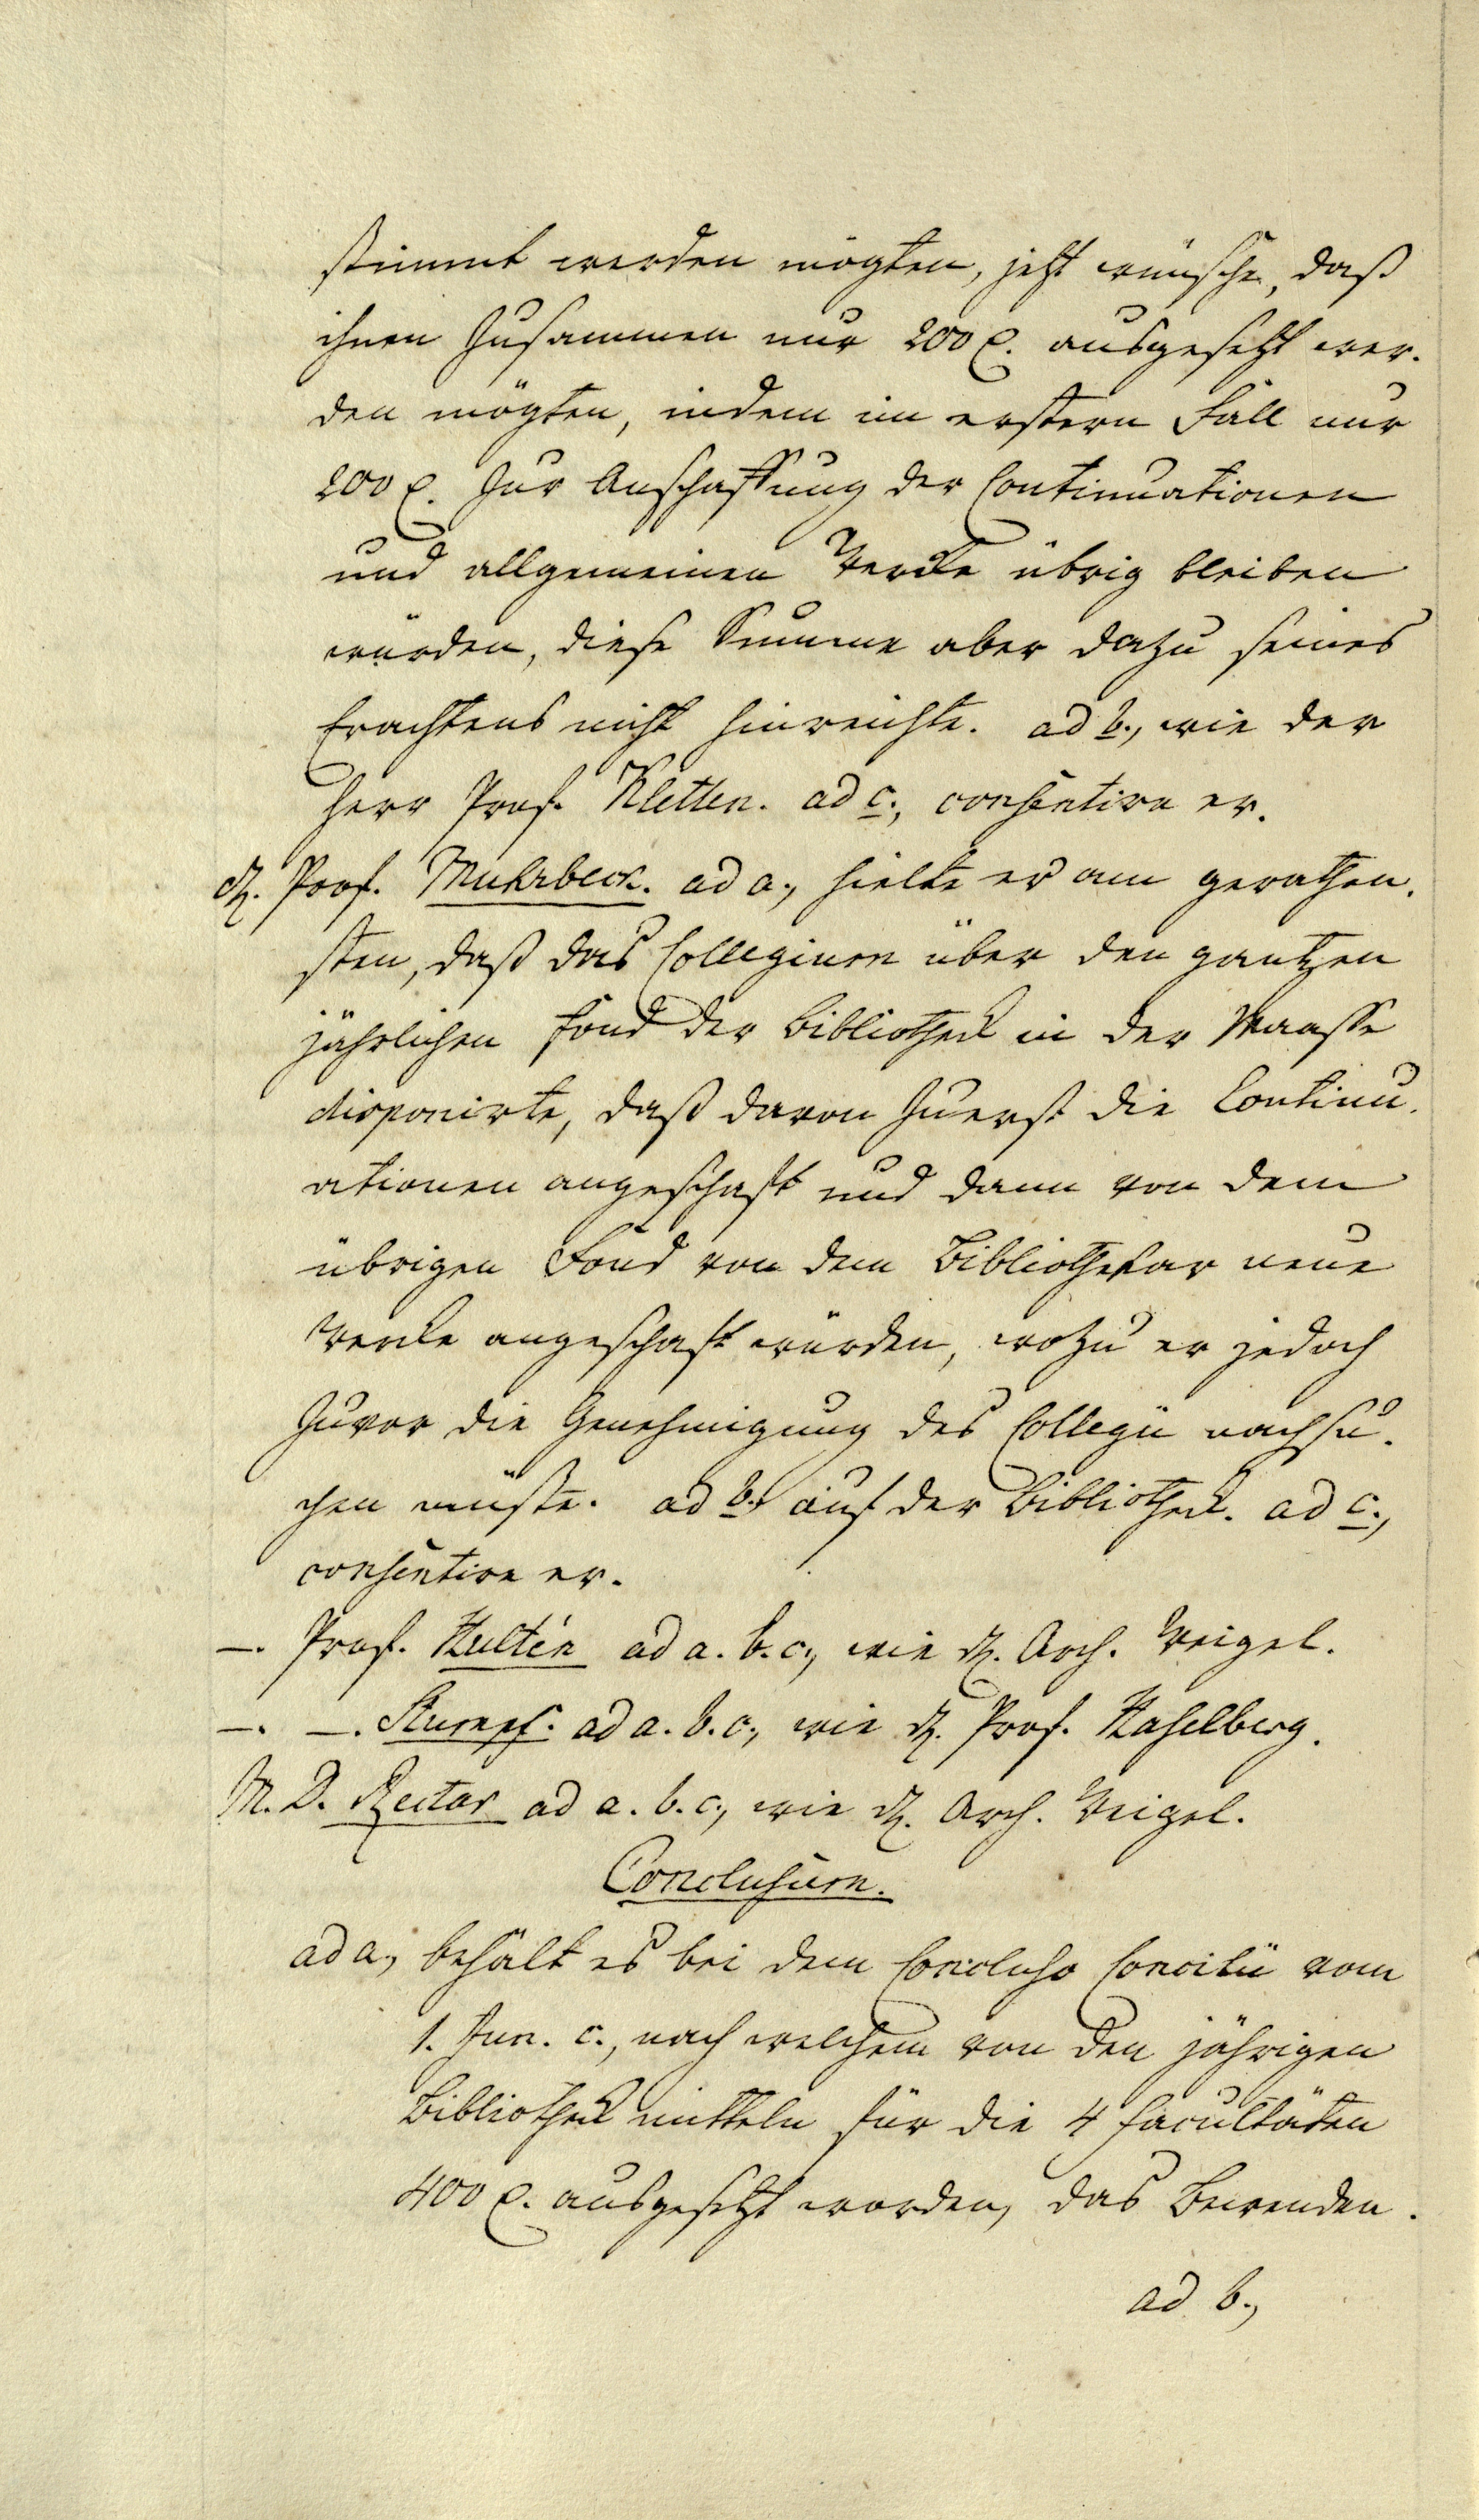stimmt werden mögten, jetzt wünsche, daß
ihnen zusammen nur 200 c. ausgesetzt wer¬
den mögten, indem im erstern Fall nur
200 l. zur Anschaffung der Continuationen
und allgemeinen Wercke übrig bleiben
würden, diese Summe aber dazu seines
Erachtens nicht hinreichte. ad b., wie der
Herr Prof. Kletten. ad c., consentire er.
dh. Prof. Muhrbeck. ad a, hielte er am gerathen¬
sten, daß das Collegium über den gantzen
jährlichen Fond der Bibliotheck in der Maasse
disponirte, daß davon zuerst die Continu¬
ationen angeschaft und dann von dem
übrigen Fond von dem Bibliothekar neue
Wercke angeschaft würden, wozu er jedoch
zuvor die Genehmigung des Collegii nachsu¬
chen müßte. ad b., auf der Bibliotheck. ad c.,
consentire er.
Prof. Hultén ad a. b. c, wie dh. Arch. Weigel.
Stumpf. ad a. b. c, wie dh. Prof. Haselberg.
M. D. Rector ad a. b. c., wie dh. Arch. Weigel.
Conclusum.
ad a, behält es bei dem Concluso Concilii vom
1. Jun. c., nach welchem von den jährigen
Bibliotheckmitteln für die 4 Facultäten
400 l. ausgesetzt worden, das Bewenden.
ad b.,